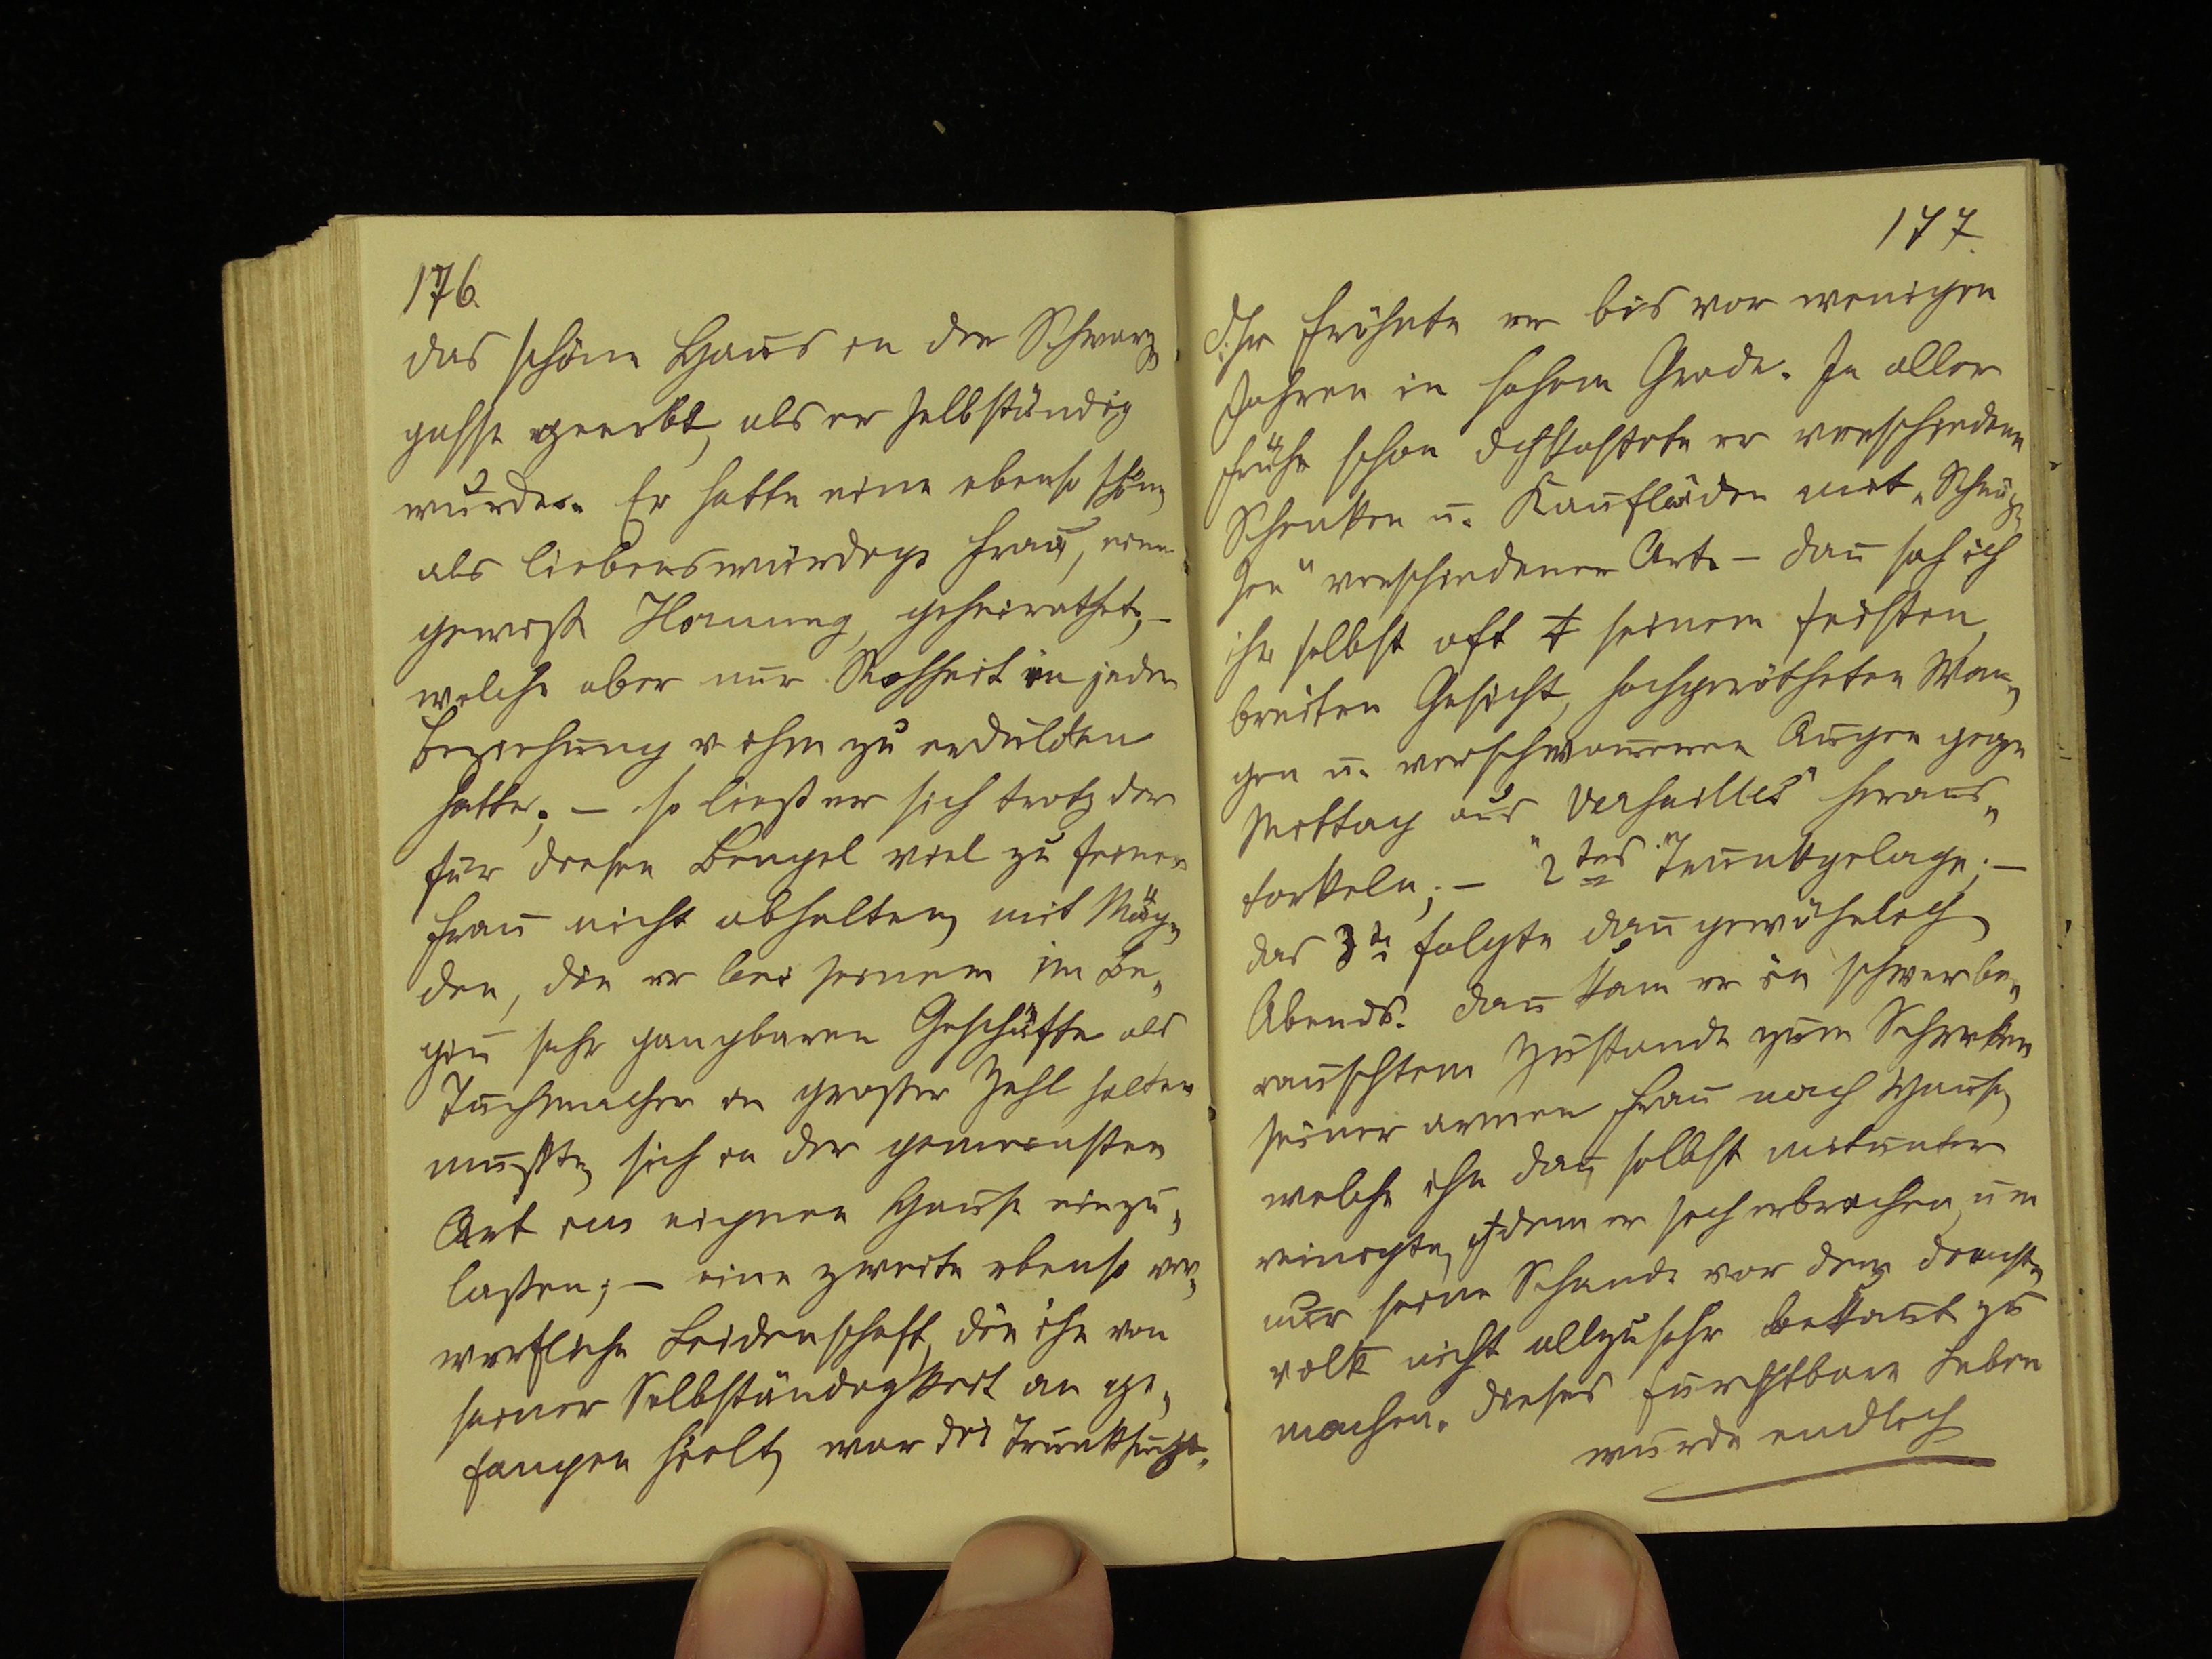176
das schöne Haus in der Schwarz¬
gasse geerbt, als er selbstständig
wurde. Er hatte eine ebenso schöne
als liebenswürdige Frau, eine
gewisse ??? geheirathet,--
welche aber nur Rohheit in jeder
Beziehung v. ihm zu erdulden
hatte;- so ließ er sich trotz der
für diesen Bengel viel zu feinen
Frau nicht abhalten, mit Mäg¬
den, die er bei seinem im Be¬
ginn sehr gangbaren Geschäften als
Tuchmacher in großer Zahl halten
mußte, sich in der gemeinsten
Art im eigenen Hause einzu¬
laßen; -- eine zweite ebenso ver¬
werfliche Leidenschaft die ihn von
seiner Selbstständigkeit an ge¬
fangen hielt, war die Trunksucht.
177
Dser fröhnte er bis vor wenigen
Jahren in hohem Grade. In aller
frühe schon dchkostete er verschiedene
Schenken u. Kaufläden mit ???
??? verschiedener Art.- Dann sah ich
ihn selbst oft t seinem feisten,
breiten Gesicht, hochgerötheten Wan¬
gen u. verschwommenen Augen gegen
Mittag aus „ ??? “ heraus¬
torkeln;-- „2-tes“ Trinkgelage; --
das 3-te folgte dann gewöhnlich
Abends. Dann kam er in schwerbe¬
rauschtem Zustande zum Schrecken
seiner armen Frau nach Hause,
welche ihn dann selbst mitunter
reinigte, chdem er sich erbrochen, um
nur seine Schande vor dem Dienst¬
volk nicht allzusehr bekannt zu
machen. Dieses furchtbare Leben
wurde endlich.